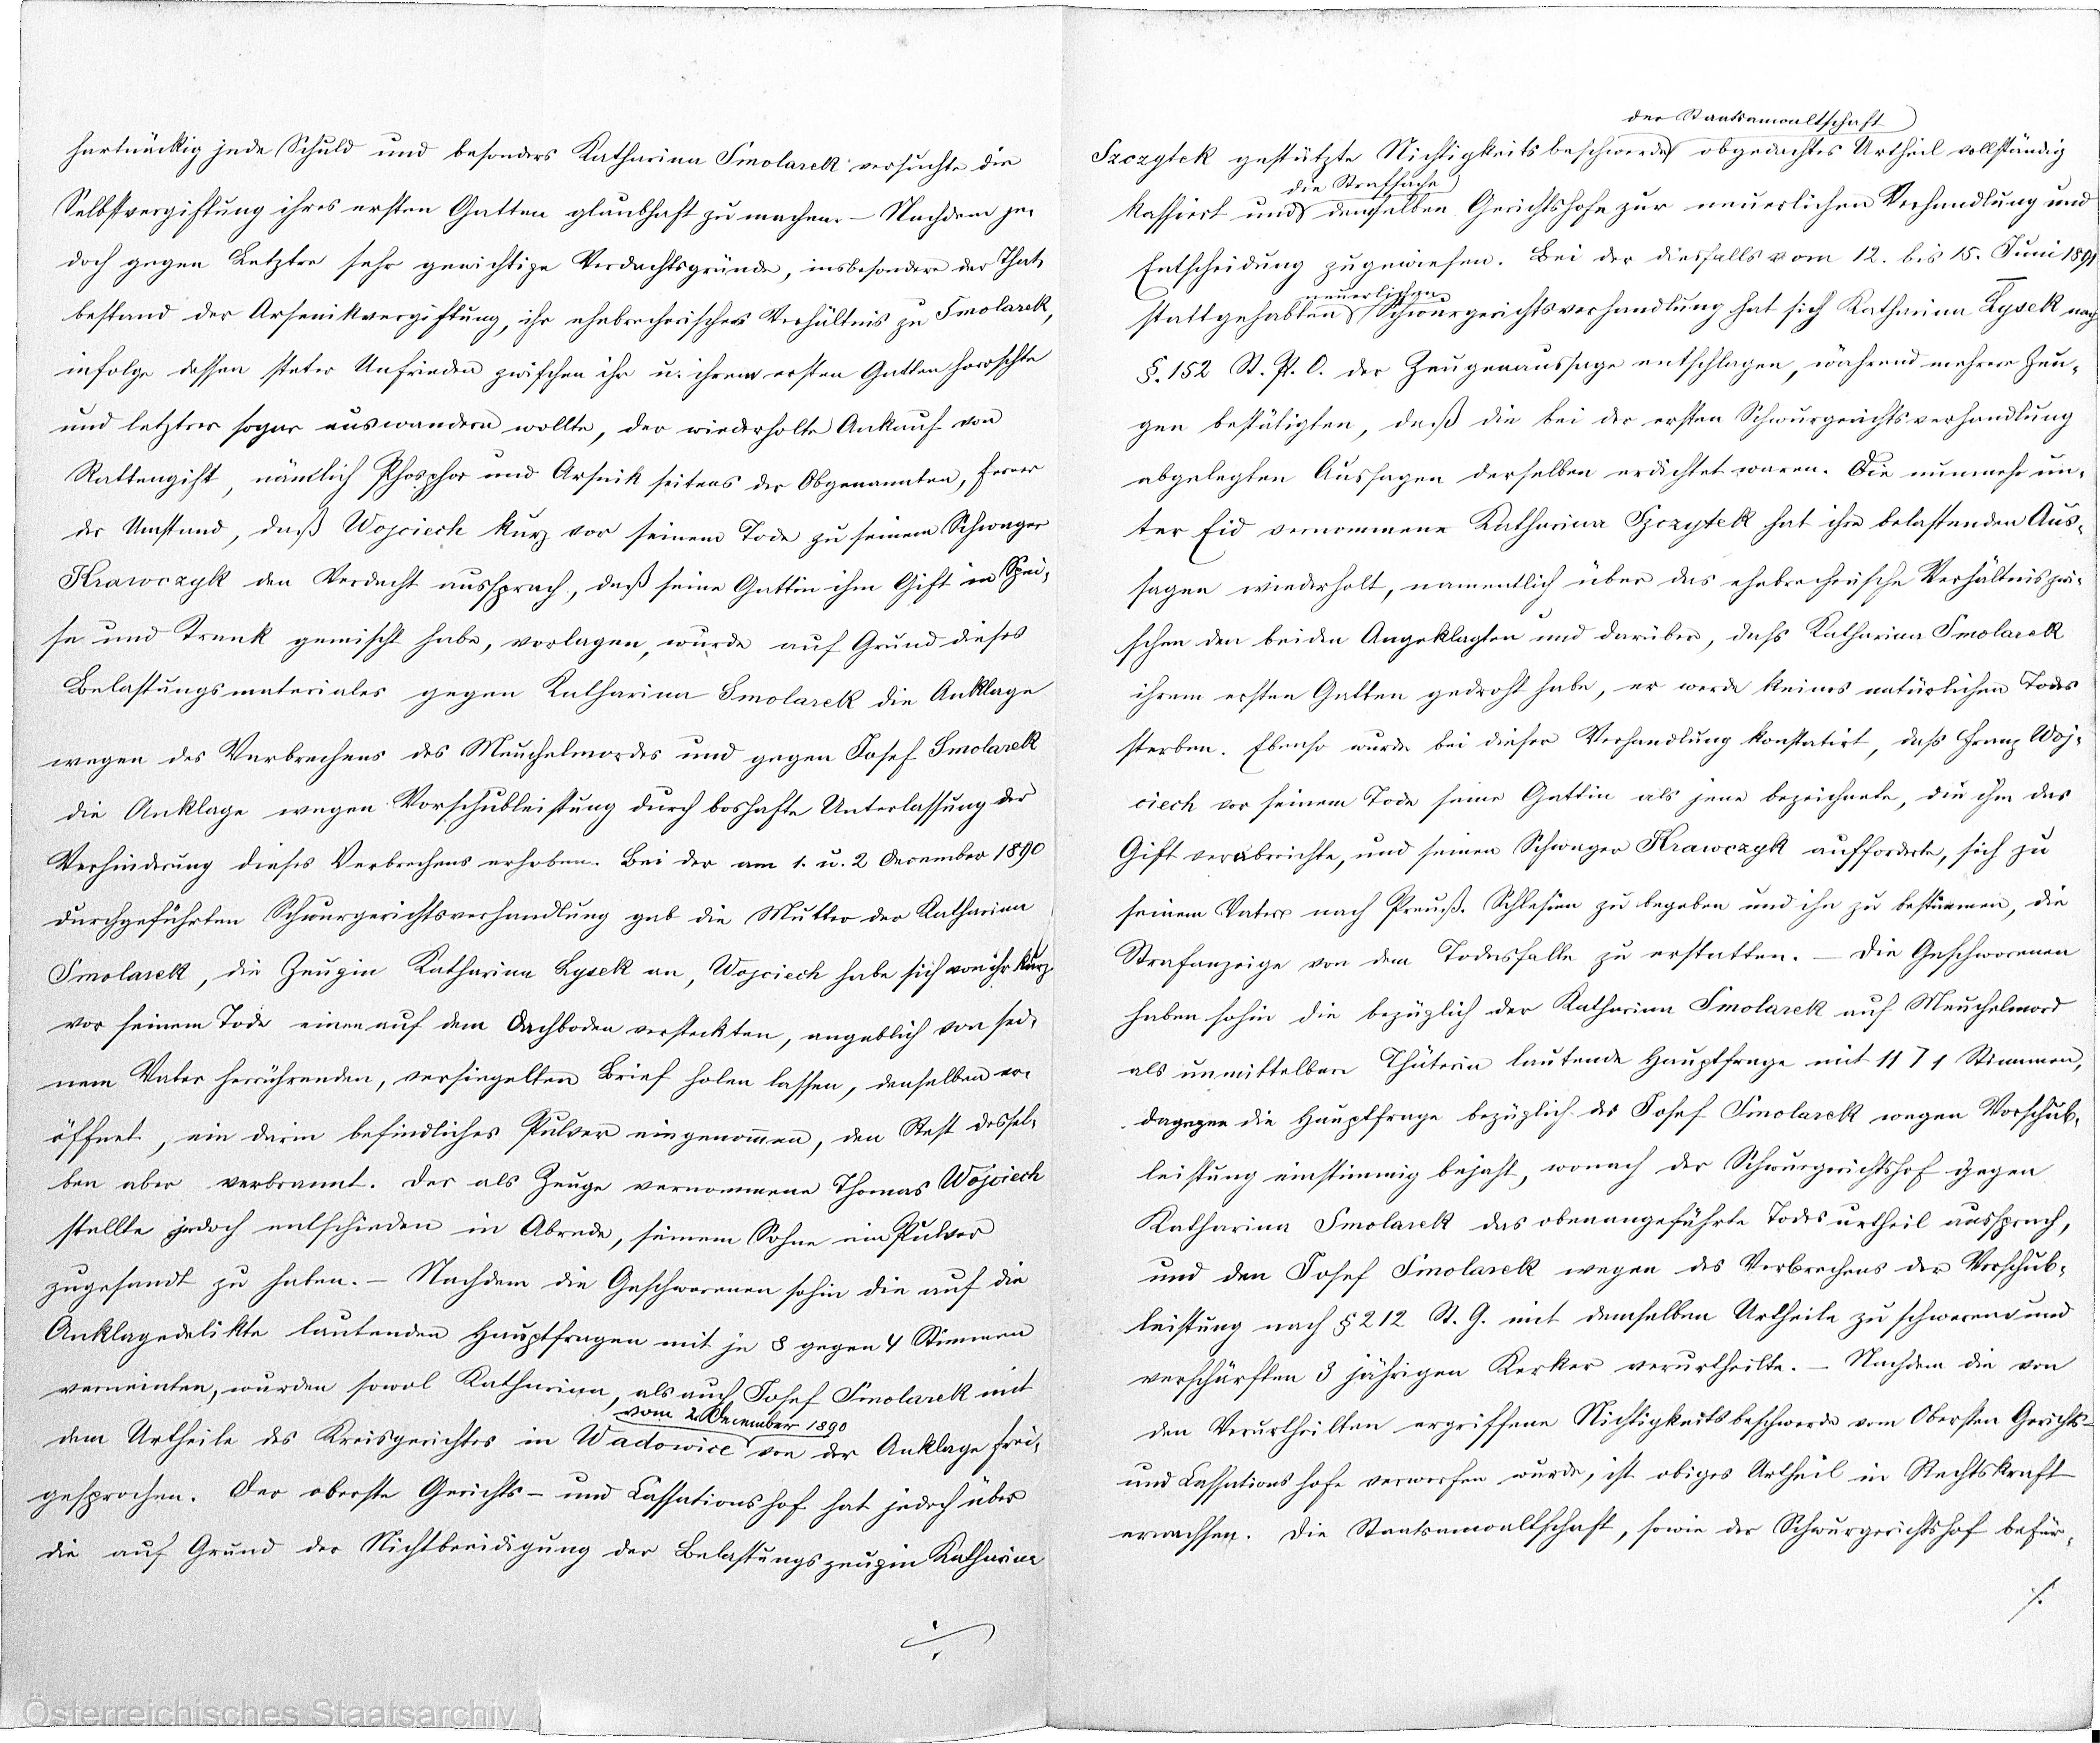hartnäckig jede Schuld und besonders Katharina Smolarek versuchte die
Selbstvergiftung ihres ersten Gatten glaubhaft zu machen. Nachdem je¬
doch gegen Letzter sehr gewichtige Verdachtsgründe, insbesondere der That¬
bestand der Arsenikvergiftung, ihr ehebrecherisches Verhältnis zu Smolarek,
infolge dessen steter Unfrieden zwischen ihr u. ihrem ersten Gatten herrschte
und letzter sogar auswandern wollte, der wiederholte Ankauf von
Rattengift, nämlich Phosphor und Arsenik seitens der Obgenannten, ferner
der Umstand, daß Wojciech kurz vor seiner Tode zu seinem Schwager
Krawczyk den Verdacht aussprach, daß seine Gattin ihm Gift in Spei¬
se und Trunk gemischt habe, vorlagen, wurde auf Grund dieses
Belastungsmateriales gegen Katharina Smolarek die Anklage
wegen des Verbrechens des Meuchelmordes und gegen Josef Smolarek
die Anklage wegen Vorschubleistung durch boshafte Unterlassung der
Verhinderung dieses Verbrechens erhoben. Bei der am 1. und 2. December 1890
durchgeführten Schwurgerichtshandlung gab die Mutter der Katharina
Smolarek, die Zeugin Katharina Lysek an, Wojciech habe sich von ihr kurz
vor seinem Tode einem auf dem Dachboden versteckten, angeblich von sei¬
nem Vater herrührenden, versiegelten Brief holen lassen, denselben er¬
öffnet, ein darin befindliches Pulver eingenommen, den Rest dessel¬
ben aber verbrannt. Der als Zeuge vernommenen Thomas Wojciech
stellte jedoch entschieden in Abrede, seinem Sohne ein Pulver
zugesandt zu haben. Nachdem die Geschworenen sohin die auf die
Anklagedelikte lautenden Hauptfragen mit je 8 gegen 4 Stimmen
verneinten, wurde sowol Katharina, als auch Josef Smolarek mit
vom 2. December 1890
dem Urtheile des Kreisgerichtes in Wadowice von der Anklage frei
gesprochen. Der oberste Gerichts- und Cassationshof hat jedoch über
die auf Grund der Nichtbeeidigung der Belastungszeugin Katharina
der Staatsanwaltschaft
Szczytek gestützte Nichtigkeitsbeschwerde obgeanhtes Urtheil vollständig
die Strafsache
kassiert und denselben Gerichtshofe zur neuerlichen Verhandlung und
Entscheidung zugewiesen. Bei der diesfalls vom 12. bis 15. Juni 1891
Neuerlichen
stattgehabten Schwurgerichtsverhandlung hat sich Katharina Lysek nach
§152 St. P O der Zeugenaussage entschlagen, während mehrere Zeu¬
gen bestätigten, daß die bei der ersten Schwurgerichtsverhandlung
abgelegten Aussagen derselben erdichtet waren. Die nunmehr un¬
ter Eid vernommenen Katharina Szczytek hat ihr belastenden Aus¬
sagen wiederholt, namentlich über das ehebrecherische Verhältnis zwi¬
schen den beiden Angeklagten und darüber, daß Katharina Smolarek
ihrem ersten Gatten gedroht habe, er werde keines natürlichen Todes
sterben. Ebenso wurde bei dieser Verhandlung konstatirt, daß Farnz Woj¬
ciech vor seinem Tod seine Gattin als jene bezeichnete, die ihm das
Gift verabreichte, und seinen Schwager Krawczyk aufforderte, sich zu
seinem Vater nach Preuß. Schlesien zu begeben und ihn zu bestimmen, die
Strafanzeige von dem Todesfalle zu erstatten. Die Geschworenen
haben sohin die bezüglich der Katharina Smolarek auf Meuchelmord
als unmittelbare Thäterin lautende Hauptfrage mit 11>1 Stimmen,
dagegen die Hauptfrage bezüglich den Josef Smolarek wegen Vorschub¬
leistung einstimmig bejaht, wonach der Schwurgerichtshof gegen
Katharina Smolarek das obenangeführte Todesurtheil aussprach,
und den Josef Smolarek wegen des Verbrechens der Voschub¬
leistng nach §212 St. G. mit demselben Urtheile zu schweren und
verschärften 3jährigen Kerker verurtheilte. Nachdem die von
den Verurtheilten ergriffene Nichtigkeitsbeschwerde vom Obersten Gerichts-
und Cassationshofe verworfen wurde, ist obiges Urtheil in Rechtskraft
erwachsen. Die Staatsanwaltschaft, sowie der Schwurgerichtshof befür¬